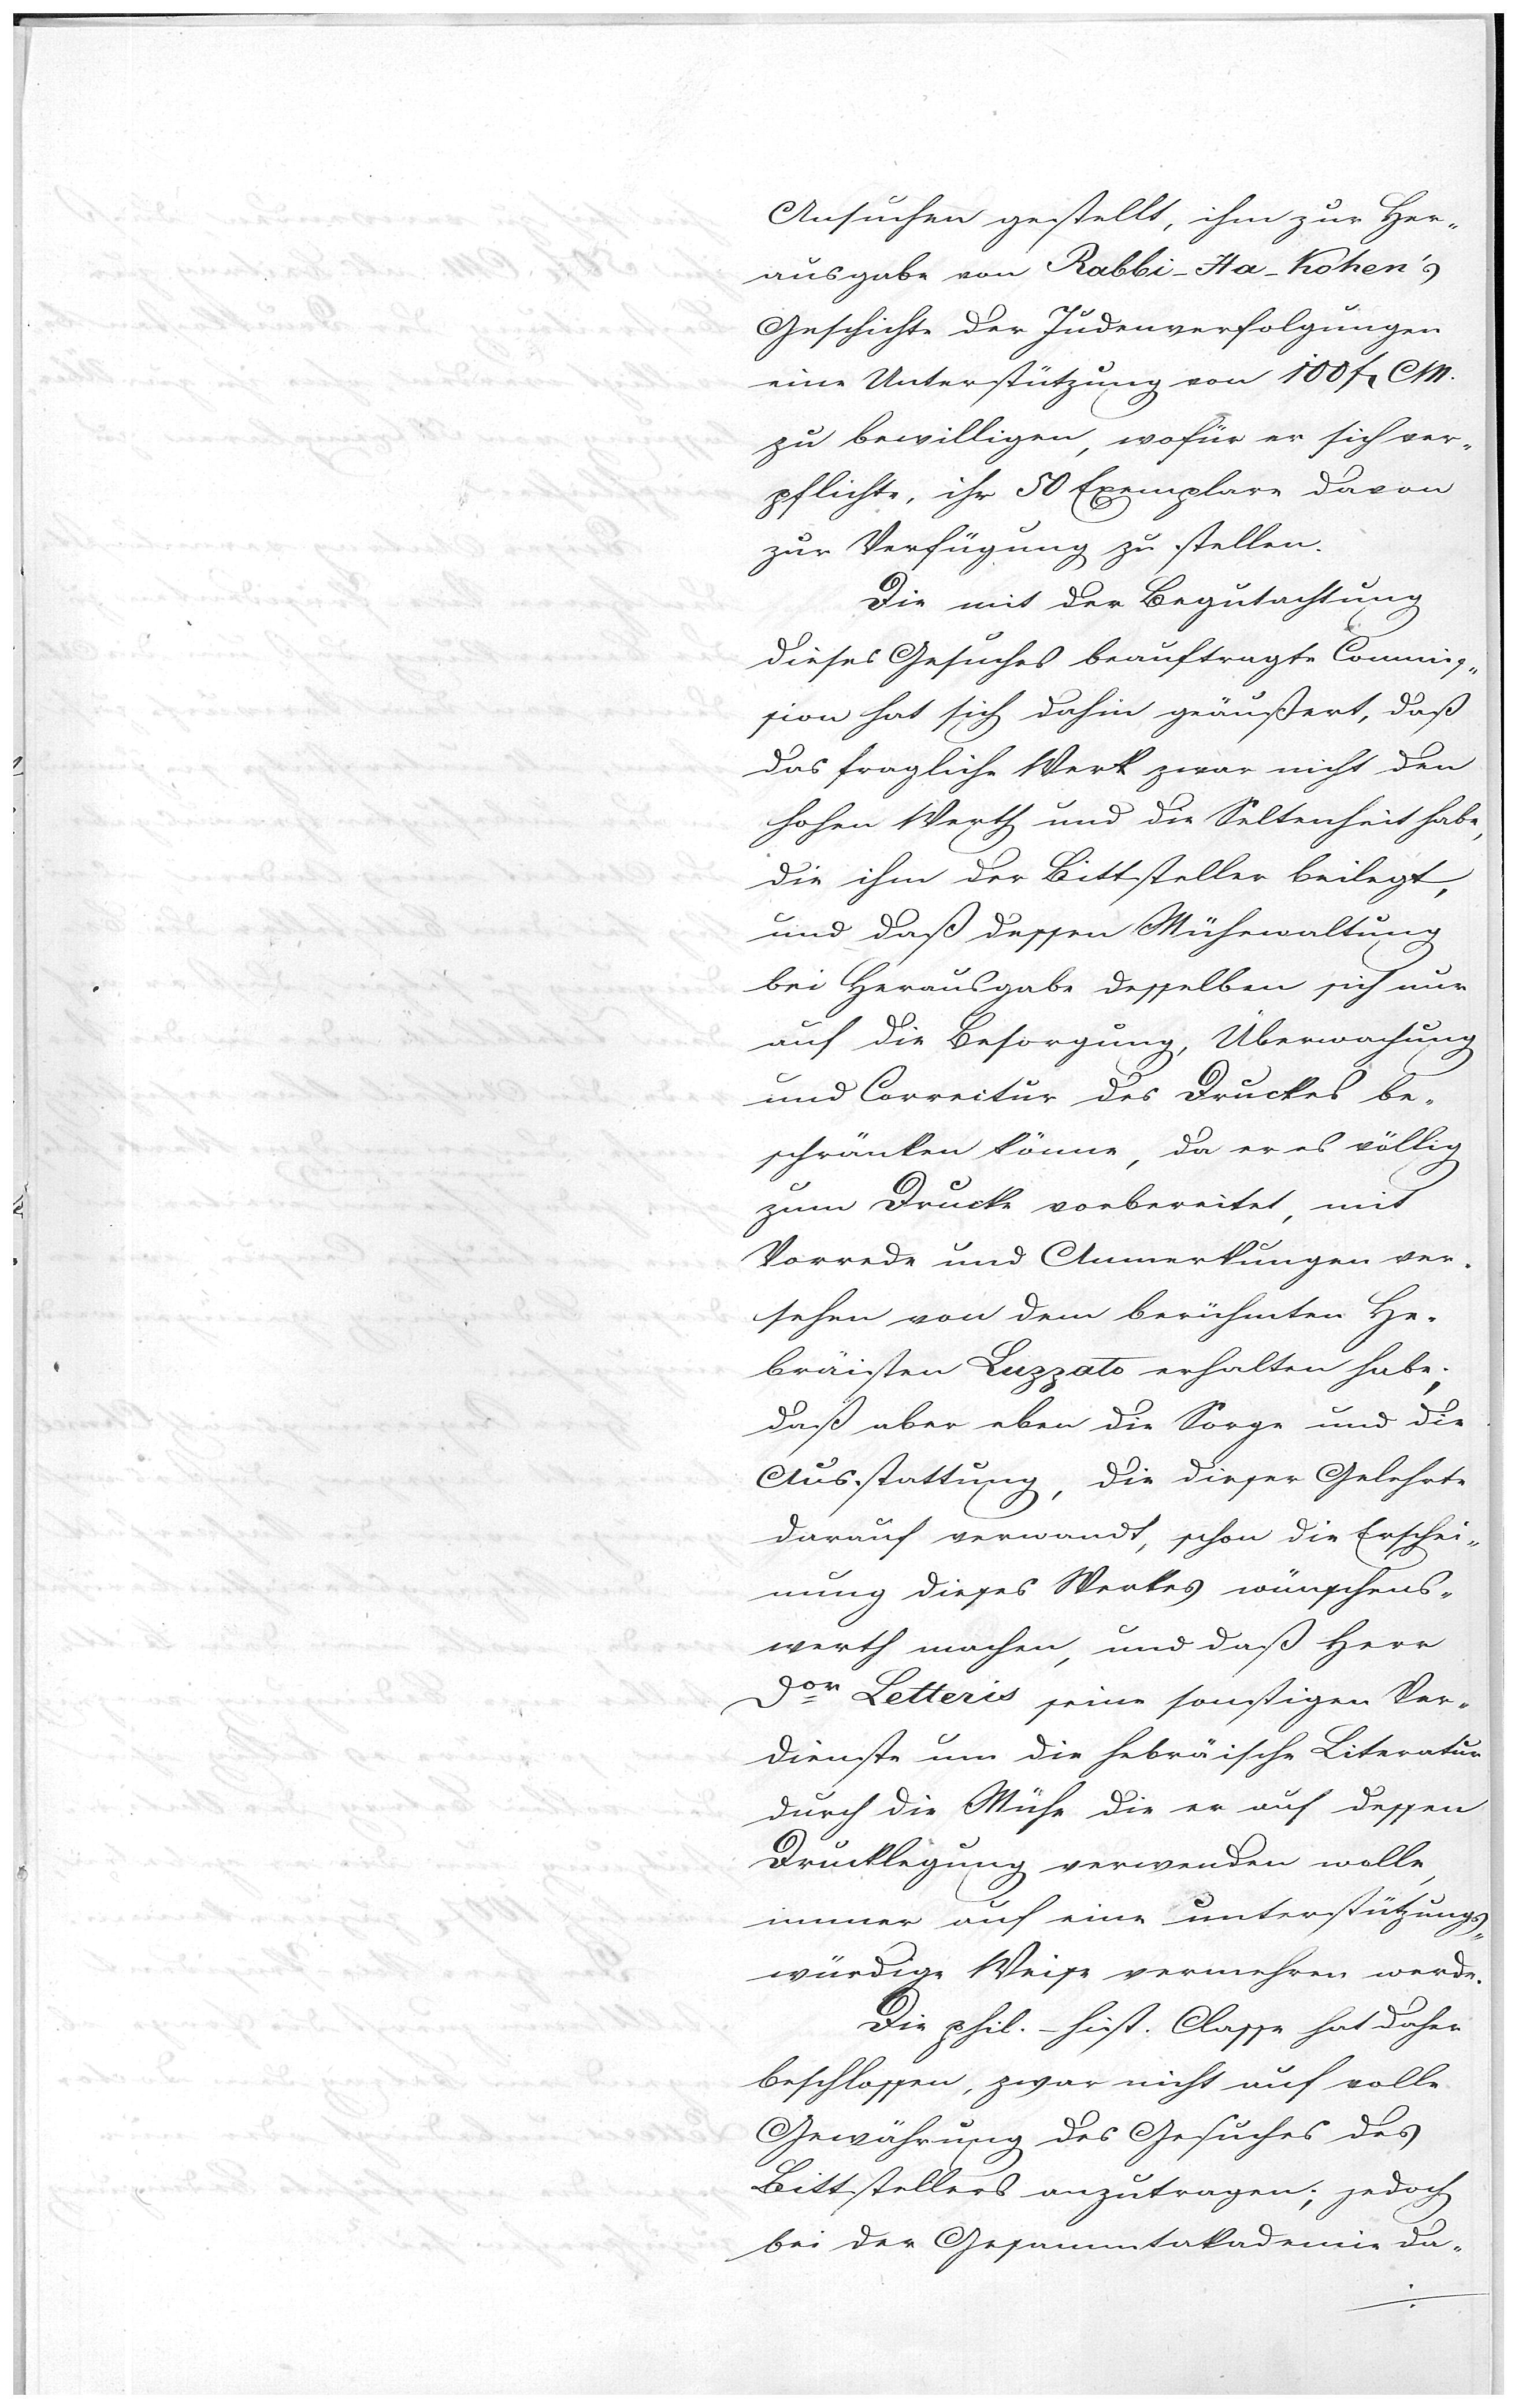Ansuchen gestellt, ihm zur Her-
ausgabe von Rabbi-Ha-Kohen's
Geschichte der Judenverfolgungen
eine Unterstützung von 100 fr CM.
zu bewilligen, wofür er sich ver-
pflichte, ihr 50 Exemplare davon
zur Verfügung zu stellen.
Die mit der Begutachtung
dieses Gesuches beauftragte Commis-
sion hat sich dahin geäußert, daß
das fraglichen Werk zwar nicht den
hohen Werth und die Seltenheit habe,
die ihm der Bittsteller beilegt,
und daß dessen Mühewaltung
bei Herausgabe desselben sich nur
auf die Besorgung, Überwachung
und Correctur der Druckes be-
schränken könne, da er es völlig
zum Druck vorbereitet, mit
Vorrede und Anmerkungen ver-
sehen von dem berühmten He-
bräisten Luzzato erhalten habe;
daß aber eben die Sorge und die
Ausstattung, die dieser Gelehrte
darauf verwandt, schon die Erschei-
nung dieses Werkes wünschens-
werth machen, und daß Herr
Dor Letteris seine sonnstigen Ver-
dienste um die hebräische Literatur
durch die Mühe die er auf dessen
Drucklegung verwenden wolle,
immer auf eine unterstützungs-
würdige Weise vermehren werde.
Die phil.-hist. Classe hat daher
beschlossen, zwar nicht auf volle
Gewährung des Gesuches des
Bittstellers anzutragen; jedoch
bei der Gesammtakademie da-